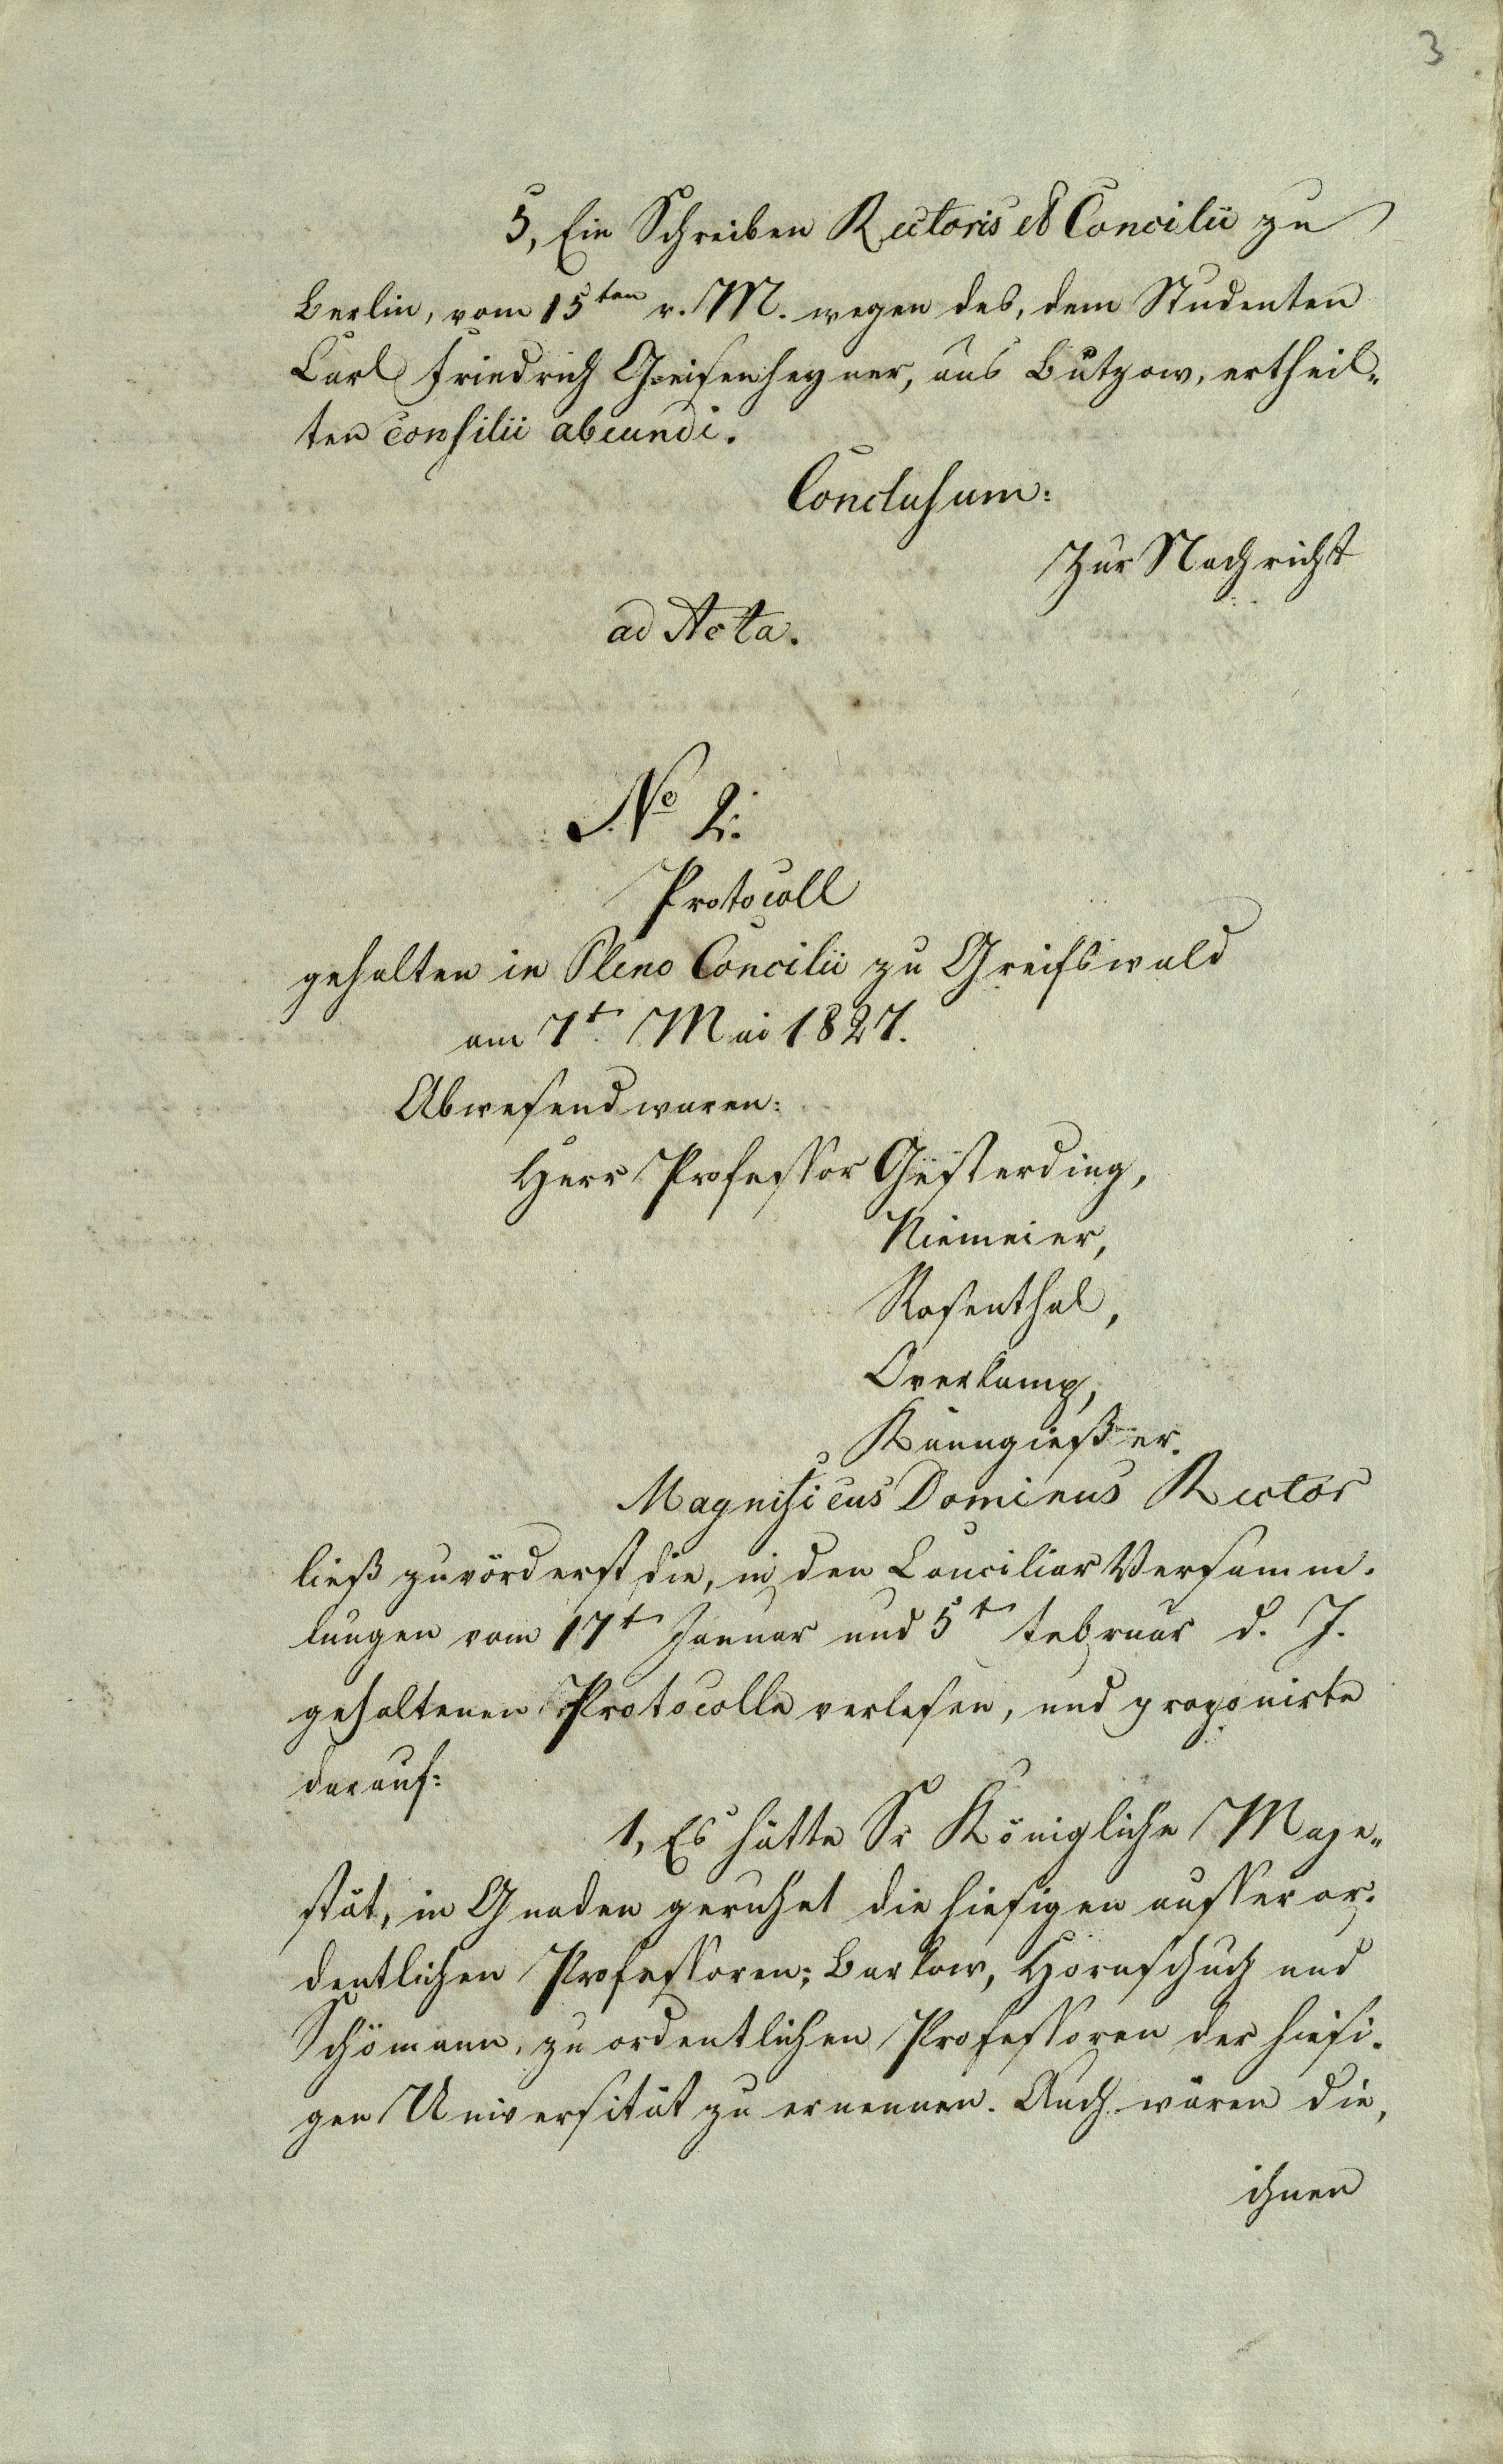5, Ein Schreiben Rectoris et Concilii zu
Berlin, vom 15ten v. M. wegen des, dem Studenten
Carl Friedrich Greisenheyner, aus Bützow, ertheil¬
ten consilii abeundi.
Conclusum
Zur Nachricht
ad Acta.
Nº 2.
Protocoll
gehalten in Pleno Concilii zu Greifswald
am 7ten Mai 1827.
Abwesend waren:
HerrProfessor Gesterding,
Niemeier,
Rosenthal,
Overkamp,
Kanngießer.
Magnificus Dominus Rector
ließ zuvörderst die, in den Conciliar Versamm¬
lungen vom 17ten Januar und 5ten Februar d. J.
gehaltenen Protocolle verlesen, und proponirte
darauf:
1, Es hätte Sr Königliche Maje¬
stät, in Gnade geruhet, die hiesigen außeror¬
dentlichen Professoren: Barkow, Hornschuch und
Schömann, zu ordentlichen Professoren der hiesi¬
gen Universität zu ernennen. Auch wären die,
ihnen